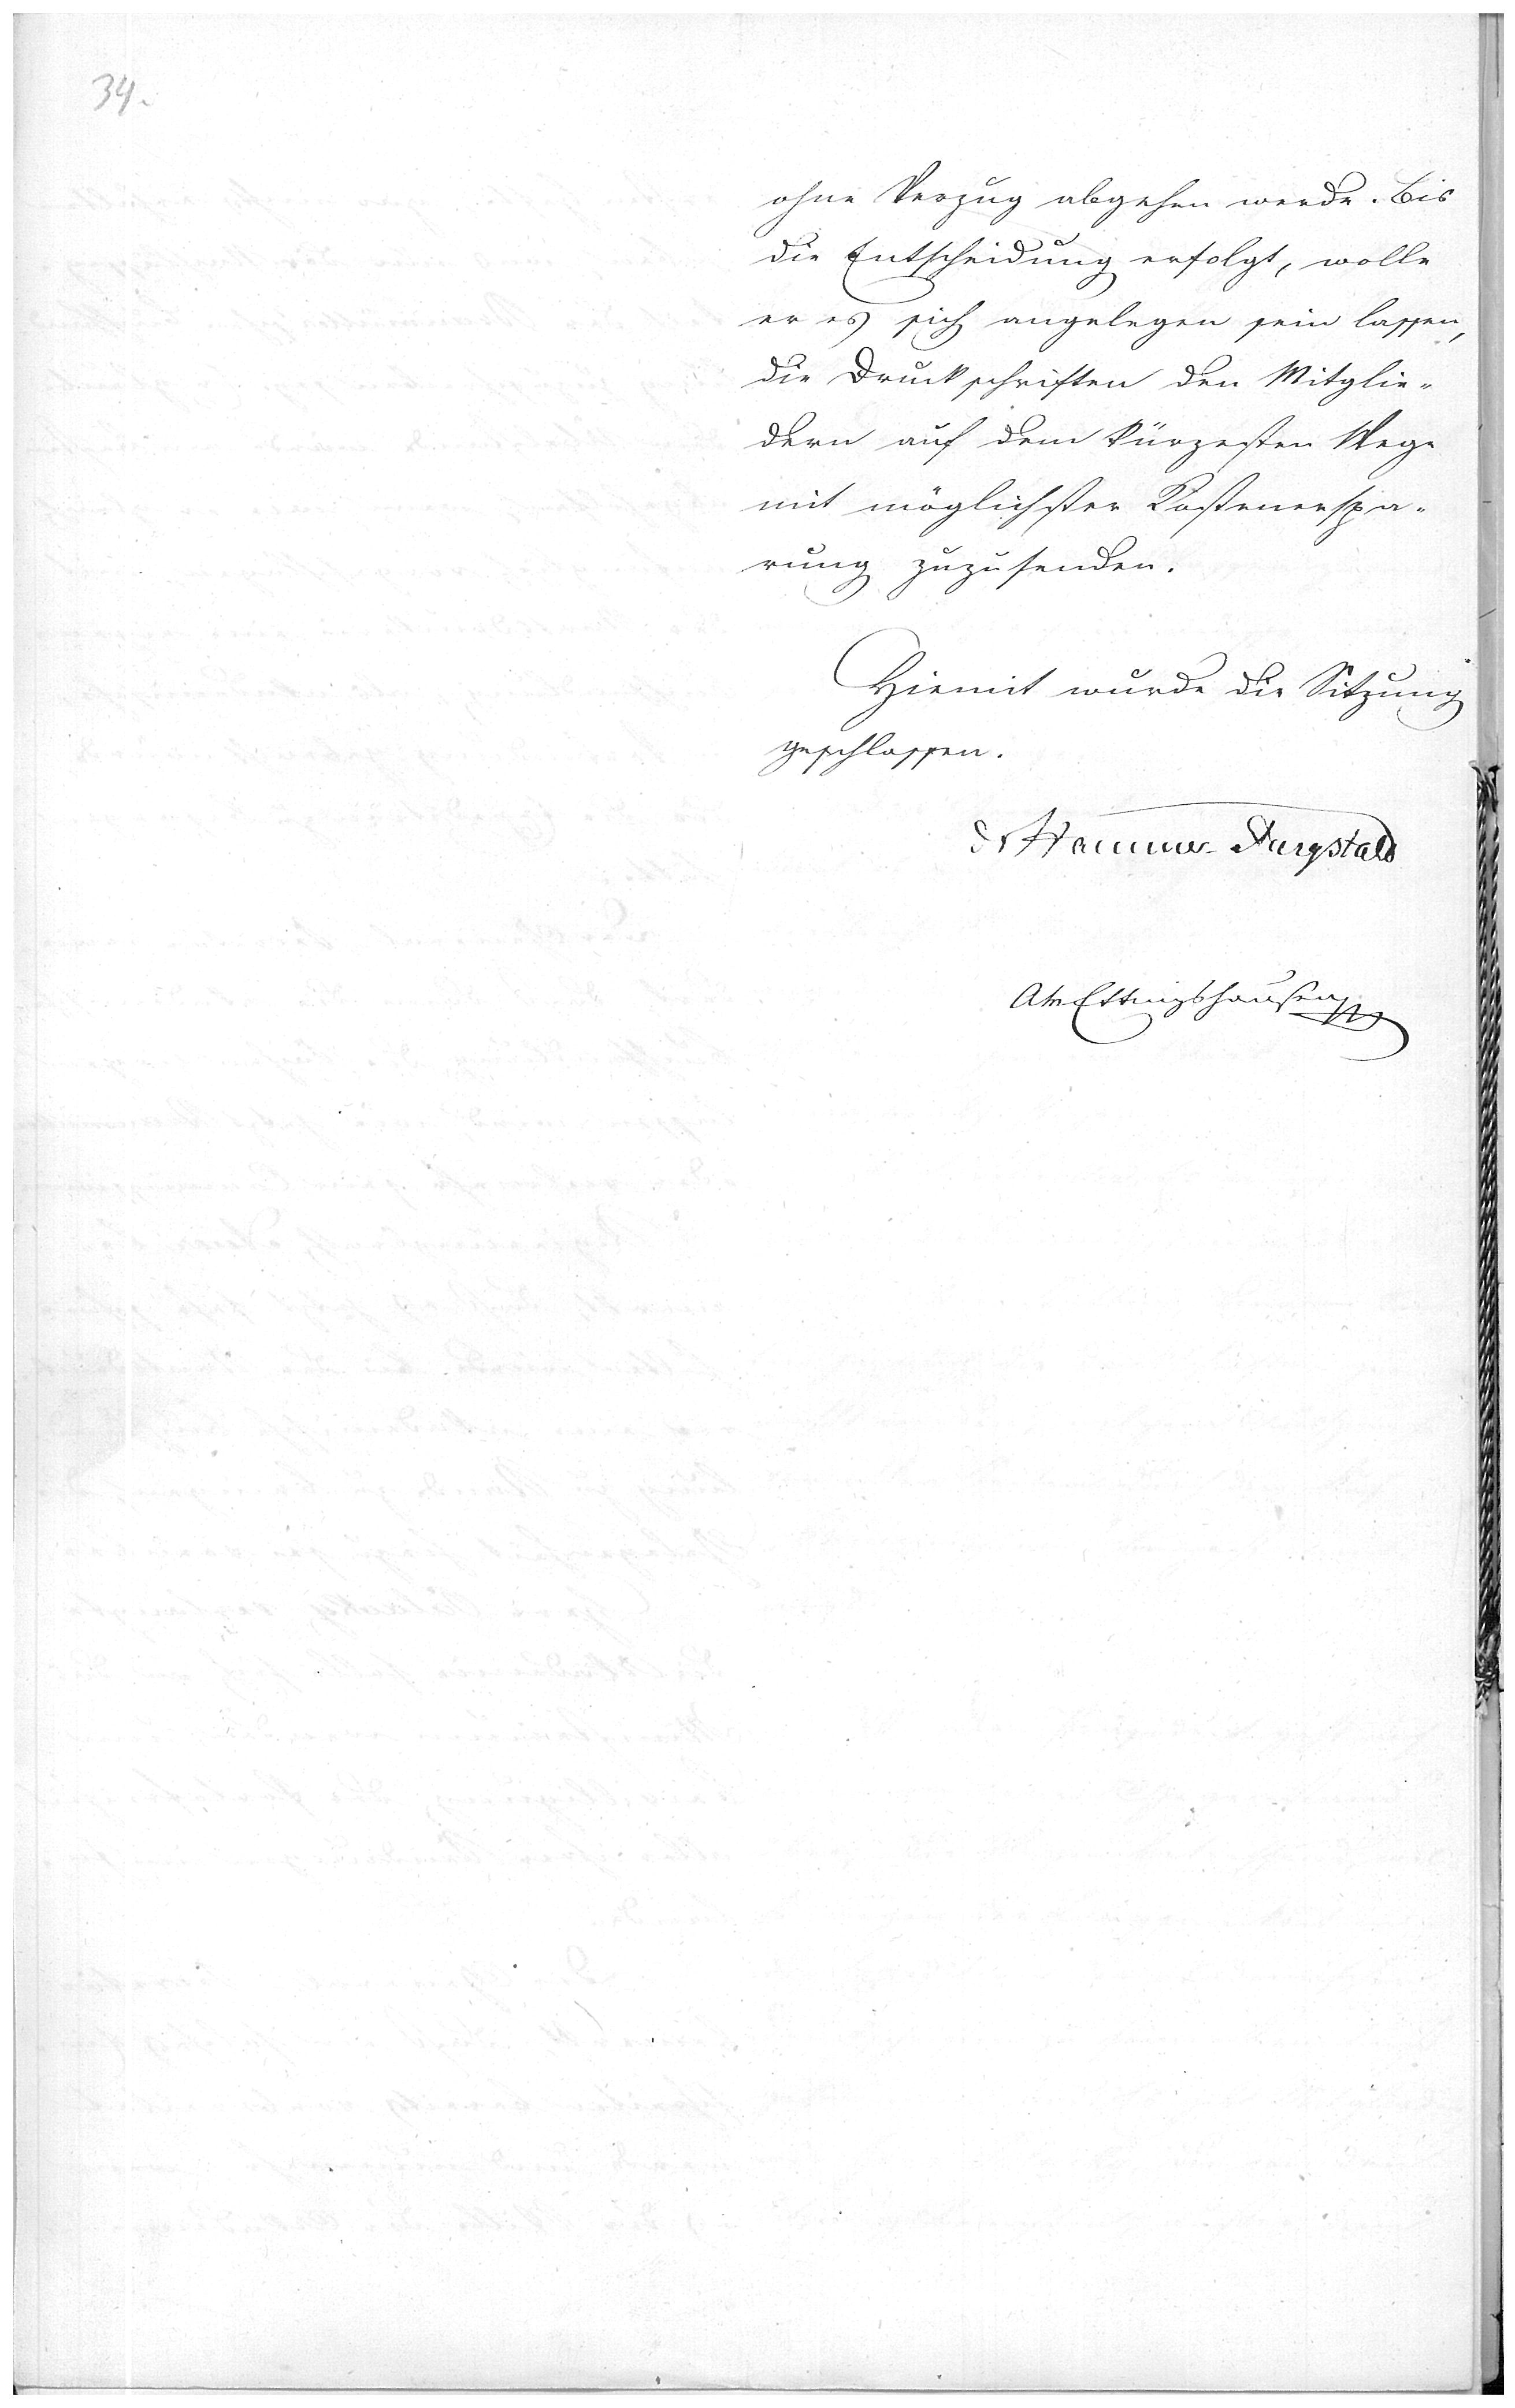ohne Verzug abgehen werde. Bis
die Entscheidung erfolgt, wolle
er es sich angelegen sein lassen,
die Druckschriften den Mitglie-
dern auf dem kürzesten Wege
mit möglichster Kostenerspa-
rung zuzusenden.
Hiemit wurde die Sitzung
geschlossen.
DvHammer-Purgstall
AvEttingshausen